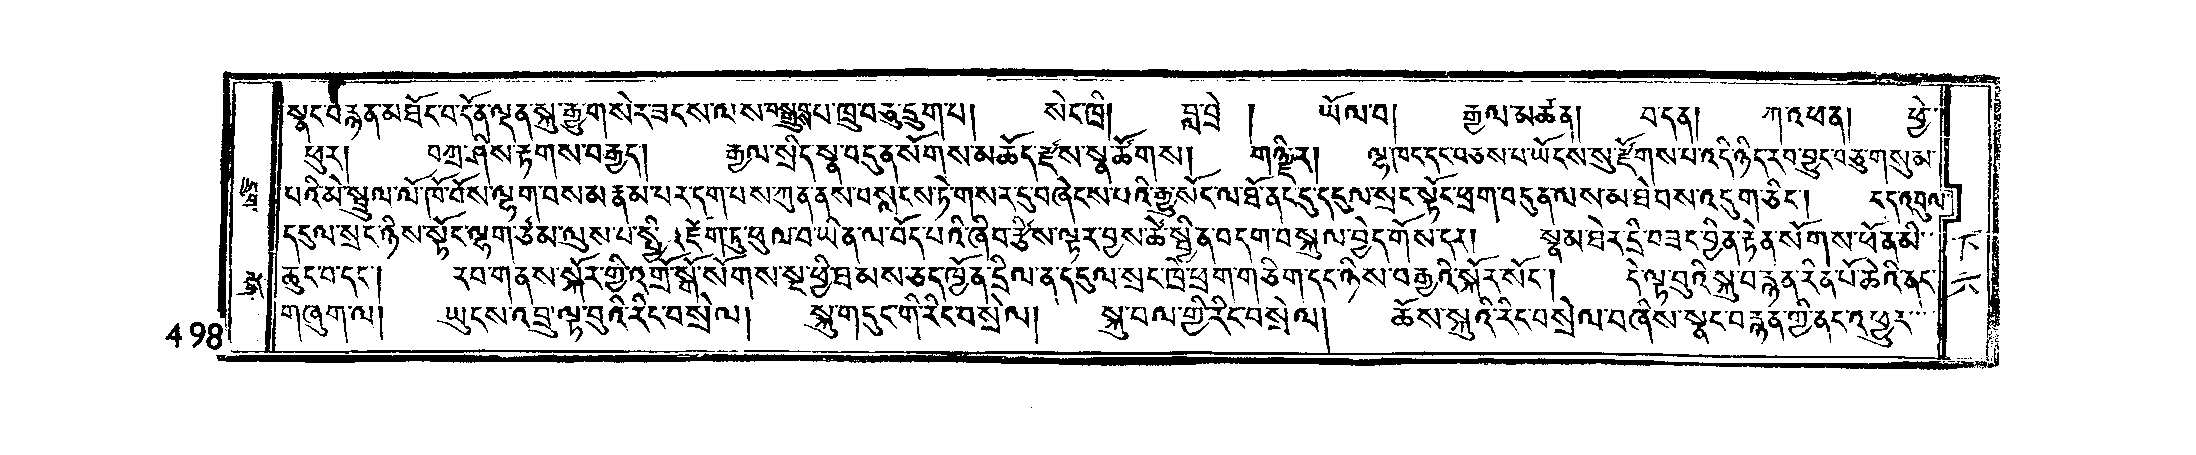སྣང་བརྙན་མཐོང་བ་དོན་ལྡན་སྐུ་རྒྱུ་གསེར་ཟངས་ལས་བསྒྲུབས་པ་ཁྲུ་བཅུ་དྲུག་པ། སེང་ཁྲི། བླ་བྲེ། ཡོལ་བ། རྒྱལ་མཚན། བ་དན། ཀ་འཕན། ཕྱེ་
ཕུར། བཀྲ་ཤིས་རྟགས་བརྒྱད། རྒྱལ་སྲིད་སྣ་བདུན་སོགས་མཆོད་རྫས་སྣ་ཚོགས། གཉྫི་ར། ལྷ་ཁང་དང་བཅས་པ་ཡོངས་སུ་རྫོགས་པ་འདི་ཉིད་རབ་བྱུང་བཅུ་གསུམ་
པའི་མེ་སྦྲུལ་ལོ་ཁོ་བོས་ལྷག་བསམ་རྣམ་པར་དག་པས་ཀུན་ནས་བསླངས་ཏེ་གསར་དུ་བཞེངས་པའི་རྒྱུ་སོང་ལ་ཐོ་ནང་དུ་དངུལ་སྲང་སྟོང་ཕྲག་བདུན་ལས་མ་ཐེབས་འདུག་ཅིང་། དད་འབུལ་
དངུལ་སྲང་ཉིས་སྟོང་ལྷག་ཙམ་ལུས་པ་སྤྱི་འཇོག་ཏུ་ཕུལ་བ་ཡིན་ལ་བོད་པའི་ཞིབ་རྩིས་ལྟར་བྱས་ཚེ་སྦྱིན་བདག་བསྐུལ་བྱེད་གོས་དར། སྣམ་ཐེར་དྲི་བཟང་བྱིན་རྟེན་སོགས་ཕོན་མི་
ཆུང་བ་དང་། རབ་གནས་སྐོར་གྱི་འགྲོ་སྒོ་སོགས་སྔ་ཕྱི་ཐམས་ཅད་ཁྱོན་དྲིལ་ན་དངུལ་སྲང་ཁྲེ་ཕྲག་གཅིག་དང་ཉིས་བརྒྱའི་སྐོར་སོང་། དེ་ལྟ་བུའི་སྐུ་བརྙན་རིན་པོ་ཆེའི་ནང་
གཞུག་ལ། ཡུངས་འབྲུ་ལྟ་བུའི་རིང་བསྲེལ། སྐུ་གདུང་གི་རིང་བསྲེལ། སྐུ་བལ་གྱི་རིང་བསྲེལ། ཆོས་སྐུའི་རིང་བསྲེལ་བཞིས་སྣང་བརྙན་གྱི་ནང་འཕྱུར་